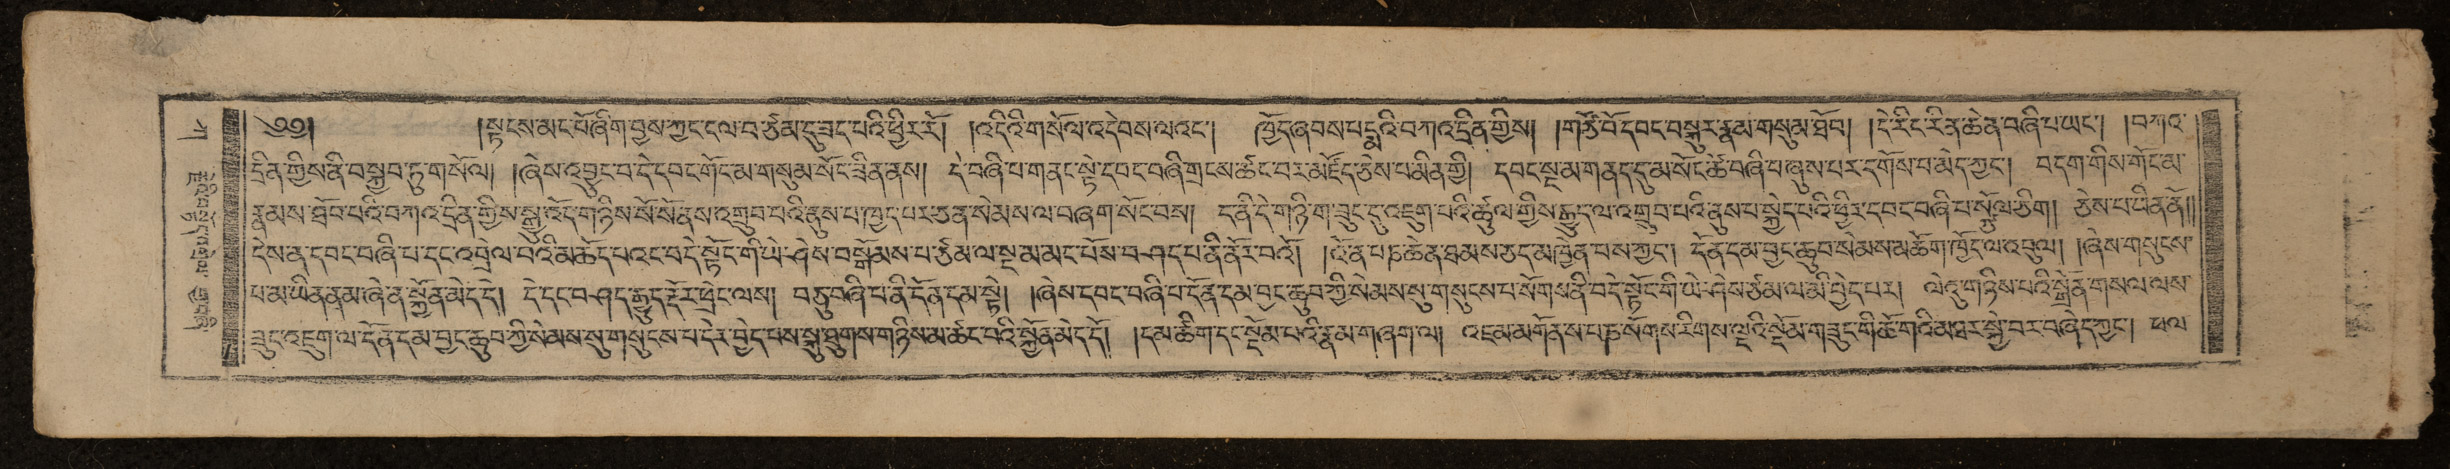༄༅། །སྟངས་མང་པོ་ཞིག་བྱས་ཀྱང་དལ་བ་ཙམ་དུ་ཟད་པའི་ཕྱིར་རོ། །འདིའི་གསོལ་འདེབས་ལའང་། ཁྱོད་ཞབས་པདམའི་བཀའ་དྲིན་གྱིས། །གཙོ་བོ་དབང་བསྐུར་རྣམ་གསུམ་ཐོབ། །དེ་རིང་རིན་ཆེན་བཞི་པ་ཡང་། །བཀའ་
དྲིན་གྱིས་ནི་བསྐྱབ་ཏུ་གསོལ། །ཞེས་འབྱུང་བ་དེ་དབང་གོང་མ་གསུམ་སོང་ཟིན་ནས། དེ་བཞི་པ་གནང་སྟེ་དབང་བཞི་གྲངས་ཚང་བར་མཛོད་ཅེས་པ་མིན་གྱི། དབང་སྔ་མ་གནད་དུ་མ་སོང་ཚེ་བཞི་པ་ཞུས་པར་དགོས་པ་མེད་ཀྱང་། བདག་གིས་གོང་མ་
རྣམས་ཐོབ་པའི་བཀའ་དྲིན་གྱིས་སྒྱུ་འོད་གཉིས་སོ་སོ་ནས་འགྲུབ་པའི་ནུས་པ་ཁྱད་པར་ཅན་སེམས་ལ་བཞག་སོང་བས། ད་ནི་དེ་གཉིག་ཟུང་དུ་འཇུག་པའི་ཚུལ་གྱིས་རྒྱུད་ལ་འགྲུབ་པའི་ནུས་བ་སྐྱེད་པའི་ཕྱིར་དབང་བཞི་པ་སྩོལ་ཅིག། ཅེས་པ་ཡིན་ནོ།།
དེས་ན་དབང་བཞི་པ་དང་འབྲེལ་བའི་མཆོད་པའང་བདེ་སྟོང་གི་ཡེ་ཤེས་བསྒོམས་པ་ཙམ་ལ་སྔ་མ་མང་པོས་བཤད་པ་ནི་ནོར་བའོ། །འོ་ན་པཎ་ཆེན་ཐམས་ཅད་མཁྱེན་པས་ཀྱང་། དོན་དམ་བྱང་ཆུབ་སེམས་མཆོག་ཁྱོད་ལ་འབུལ། །ཞེས་གསུངས་
པ་མ་ཡིན་ནམ་ཞེ་ན་སྐྱོན་མེད་དོ། དེ་དང་བཤད་རྒྱུད་རྡོར་ཕྲེང་ལས། བཅུ་བཞི་པ་ནི་དོན་དམ་སྟེ། །ཞེས་དབང་བཞི་པ་དོན་དམ་བྱང་ཆུབ་ཀྱི་སེམས་སུ་གསུངས་པ་སོགས་ནི་བདེ་སྟོང་གི་ཡེ་ཤེས་ཙམ་ལ་མི་བྱེད་པར། ལེའུ་གཉིས་བའི་སྒྲོན་གསལ་ལས་
ཟུང་འཇུག་ལ་དོན་དམ་བྱང་ཆུབ་ཀྱི་སེམས་སུ་གསུངས་པ་དེར་བྱེད་པས་སྐུ་ཐུགས་གཉིས་མ་ཚང་བའི་སྐྱོན་མེད་དོ། །དམ་ཚིག་དང་སྡོམ་པའི་རྣམ་གཞག་ལ། འཇམ་མགོ་ནས་བཎ་སོགས་རིགས་ལྔའི་སྡོམ་གཟུང་གི་ཆོ་གའི་མཐར་སྐྱེ་བར་བཞེད་ཀྱང་། ཕལ་